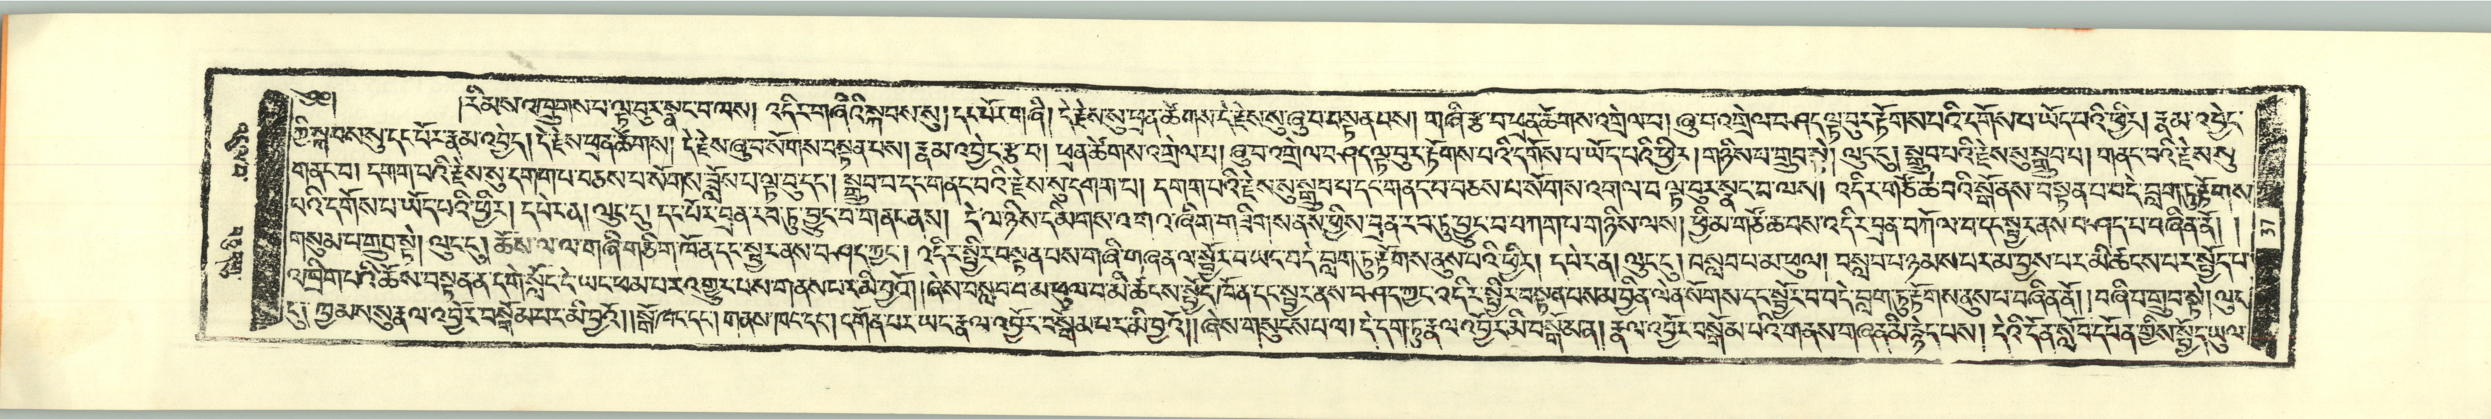༄༅། །རིམས་འཁྲུགས་པ་ལྟ་བུར་སྣང་བ་ལས། འདིར་གཞིའི་སྐབས་སུ། དང་པོར་གཞི། དེ་རྗེས་སུ་ཕྲན་ཚོགས་དེ་རྗེས་སུ་ཞུ་བ་བསྟན་པས། གཞི་རྩ་བ་ཕྲན་ཚོགས་འགྲེལ་བ། ཞུ་བ་འགྲེལ་བཤད་ལྟ་བུར་རྟོགས་པའི་དགོས་པ་ཡོད་པའི་ཕྱིར། རྣམ་འབྱེད་
ཀྱི་སྐབས་སུ་དང་པོར་རྣམ་འབྱེད། དེ་རྗེས་ཕྲན་ཚོགས། དེ་རྗེས་ཞུ་བ་སོགས་བསྟན་པས། རྣམ་འབྱེད་རྩ་བ། ཕྲན་ཚེགས་འགྲེལ་པ། ཞུ་བ་འགྲེལ་བཤད་ལྟ་བུར་རྟོགས་པའི་དགོས་པ་ཡོད་པའི་ཕྱིར། གཉིས་པ་གྲུབ་སྟེ། ལུང་དུ། སྒྲུབ་པའི་རྗེས་སུ་སྒྲུབ་པ། གནང་བའི་རྗེས་སུ་
གནང་བ། དགག་པའི་རྗེས་སུ་དགག་པ་བཅས་པ་སོགས་ཟློས་པ་ལྟ་བུ་དང་། སྒྲུབ་པ་དང་གནང་བའི་རྗེས་སུ་དགག་པ། དགག་པའི་རྗེས་སུ་སྒྲུབ་པ་དང་གནང་བའི་རྗེས་སུ་དགག་པ། དགག་པའི་རྗེས་སུ་སྒྲུབ་པ་དང་གནང་བ་བཅས་པ་སོགས་འགལ་བལྟ་བུར་སྣང་བ་ལས། འདིར་གཙོ་ཆེ་བའི་སྒོ་ནས་བསྟན་པ་བདེ་བླག་ཏུ་རྟོགས་
པའི་དགོས་པ་ཡོད་པའི་ཕྱིར། དཔེར་ན། ལུང་དུ། དང་པོར་བྲན་རབ་ཏུ་བྱུང་བ་གནང་ནས། དེ་ལ་ཉིས་དམིགས་འགའ་ཞིག་གཟིགས་ནས་ཕྱིས་བྲན་རབ་ཏུ་བྱུང་བ་བཀག་པ་གཉིས་ལས། ཕྱི་མ་གཙོ་ཆ་བས་འདིར་བྲན་བཀོལ་བ་དང་སྦྱར་ནས་བཤད་པ་བཞིན་ནོ། །
གསུམ་པ་གྲུབ་སྟེ། ལུང་དུ། ཆོས་ལ་ལ་གཞི་གཅིག་ཁོ་ན་དང་སྦྱར་ནས་བཤད་ཀྱང་། འདིར་སྤྱིར་བསྟན་པས་གཞི་གཞན་ལ་སྦྱོར་བ་ཡང་བདེ་བླག་ཏུ་རྟོགས་ནུས་པའི་ཕྱིར། དཔེར་ན། ལུང་དུ། བསླབ་པ་མ་ཕུལ། བསླབ་པ་ཉམས་པར་མ་བྱས་པར་མི་ཚངས་པར་སྤྱོད་པ་
འཁྲིག་པའི་ཆོས་བསྟན་ན་དགེ་སློང་དེ་ཡང་ཕམ་པར་འགྱུར་པས་གནས་པར་མི་བྱའོ། །ཞེས་བསླབ་པ་མ་ཕུལ་བ་མི་ཚངས་སྤྱོད་ཁོ་ན་དང་སྦྱར་ནས་བཤད་ཀྱང་འདིར་སྤྱིར་བསྟན་པས་མ་བྱིན་ལེན་སོགས་དང་སྦྱོར་བ་བདེ་བླག་ཏུ་རྟོགས་ནུས་པ་བཞིན་ནོ། །བཞི་པ་གྲུབ་སྟེ། ལུང་
དུ༑ ཁྱམས་སུ་རྣལ་འབྱོར་བསྒོམ་པར་མི་བྱའོ། །སྒོ་ཁང་དང་། གནས་ཁང་དང་། དགོན་པར་ཡང་རྣལ་འབྱོར་བསྒོམ་པར་མི་བྱའོ། །ཞེས་གསུངས་པ་ལ། དེ་དག་ཏུ་རྣལ་འབྱོར་མི་བསྒོམ་ན། རྣལ་འབྱོར་བསྒོམ་པའི་གནས་གཞན་མི་རྙེད་པས། དེའི་དོན་སློབ་དཔོན་གྱིས་སྤྱོད་ཡུལ་